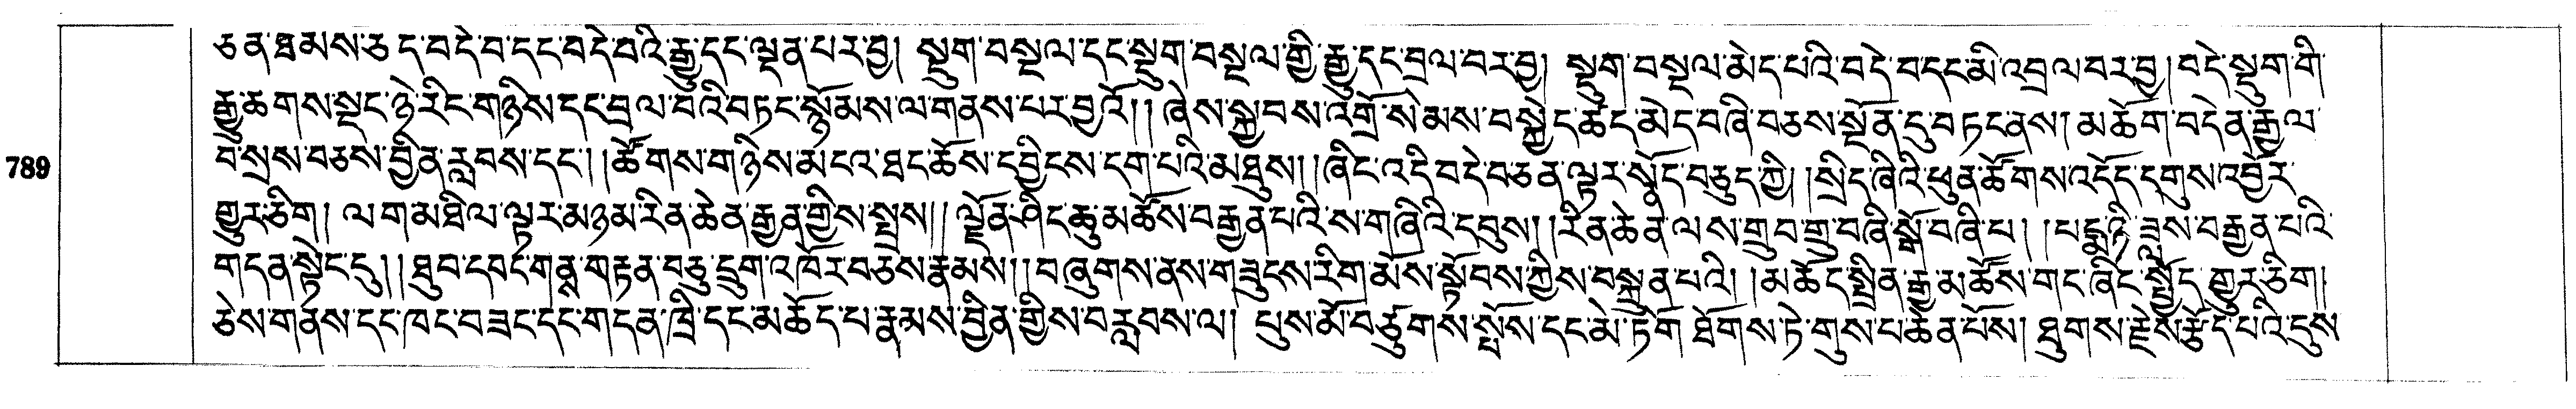ཅན་ཐམས་ཅད་བདེ་བ་དང་བདེ་བའི་རྒྱུ་དང་ལྡན་པར་བྱ། སྡུག་བསྔལ་དང་སྡུག་བསྔལ་གྱི་རྒྱུ་དང་བྲལ་བར་བྱ། སྡུག་བསྔལ་མེད་པའི་བདེ་བ་དང་མི་འབྲལ་བར་བྱ། བདེ་སྡུག་གི་
རྒྱུ་ཆགས་སྡང་ཉེ་རིང་གཉིས་དང་བྲལ་བའི་བཏང་སྙོམས་ལ་གནས་པར་བྱའོ། །ཞེས་སྐྱབས་འགྲོ་སེམས་བསྐྱེད་ཚད་མེད་བཞི་བཅས་སྔོན་དུ་བཏང་ནས། མཆོག་བདེན་རྒྱལ་
བ་སྲས་བཅས་བྱིན་རླབས་དང་། །ཚོགས་གཉིས་མངའ་ཐང་ཆོས་དབྱིངས་དག་པའི་མཐུས། །ཞིང་འདི་བདེ་བ་ཅན་ལྟར་སྣོད་བཅུད་ཀྱི། །སྲིད་ཞིའི་ཕུན་ཚོགས་འདོད་དགུས་འབྱོར་
གྱུར་ཅིག །ལག་མཐིལ་ལྟར་མཉམ་རིན་ཆེན་རྒྱན་གྱིས་སྤྲས། །ལྗོན་ཤིང་ཆུ་མཚོས་བརྒྱན་པའི་ས་གཞིའི་དབུས། །རིན་ཆེན་ལས་གྲུབ་གྲུ་བཞི་སྒོ་བཞི་པ། །པདམ་ཉི་ཟླས་བརྒྱན་པའི་
གདན་སྟེང་དུ། །ཐུབ་དབང་གནས་གྲྟན་བཅུ་དྲུག་འཁོར་བཅས་རྣམས། །བཞུགས་ནས་གཟུངས་རིག་མོས་སྟོབས་ཀྱིས་བསྐྲུན་པའི། །མཆོད་སྤྲིན་རྒྱ་མཚོས་གང་ཞིང་སྤྱོད་གྱུར་ཅིག །
ཅེས་གནས་དང་ཁང་བཟང་དང་གདན་ཁྲི་དང་མཆོད་པ་རྣམས་བྱིན་གྱིས་བརླབས་ལ། པུས་མོ་བཙུགས་སྤོས་དང་མེ་ཏོག་ཐོགས་ཏེ་གུས་པ་ཆེན་པོས། ཐུགས་རྗེས་རྩོད་པའི་དུས་